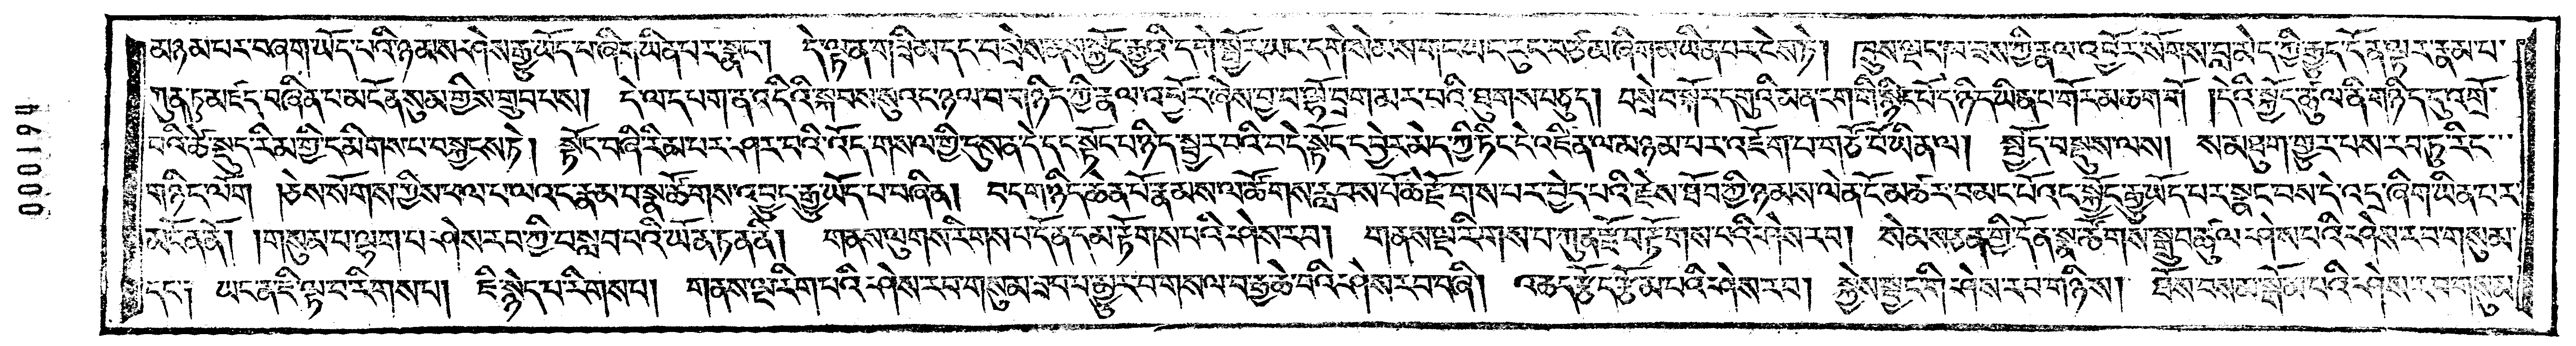མཉམ་པར་བཞག་ཡོད་པའི་ཉམས་ཤེས་རྒྱུ་ཡོད་པ་ཞིག་ཡིན་པར་སྣང་། དེ་ལྟ་ན་གཟིམ་དང་བསྲེས་ནས་སྐྱོང་རྒྱུའི་དགེ་སྦྱོར་ཡང་དགེ་སེམས་གང་ཡང་རུང་བ་ཙམ་ཞིག་མ་ཡིན་པར་ངེས་ཏེ། ཁྲུས་ལྡང་ཁ་ཟས་ཀྱི་རྣལ་འབྱོར་སོགས་བླ་མེད་ཀྱི་རྒྱུད་དོན་ལྟར་རྣམ་པ་
ཀུན་ཏུ་མཛད་བཞིན་པ་མངོན་སུམ་གྱིས་གྲུབ་པས། དེ་ལ་དཔག་ན་འདིའི་སྐབས་སུ་འང་ཉལ་བ་གཉིད་ཀྱི་རྣལ་འབྱོར་ཞེས་བྱ་བ་ལྷོ་བྲག་མར་པའི་ཐུགས་བཅུད། བསྲེ་བསྐོར་དགུའི་མན་ངག་གི་སྙིང་པོ་ད་ཉིད་ཡིན་པ་གོར་མཆག་གོ །དེའི་སྐྱོང་ཚུལ་ནི་གཉིད་དུ་འགྲོ་
བའི་ཚེ་སྡུད་རིམ་གྱི་དམིགས་པ་བསྐྱངས་ཏེ། སྟོང་བཞི་རིམ་པར་ཤར་བའི་འོད་གསལ་གྱི་དུས་ན་དེ་དང་སྟོང་པ་ཉིད་སྦྱར་བའི་བདེ་སྟོང་དབྱེར་མེད་ཀྱི་ཏིང་ངེ་འཛིན་ལ་མཉམ་པར་འཇོག་པ་གཙོ་བོ་ཡིན་ལ། སྤྱོད་བསྡུས་ལས། ས་མཐུག་གྱུར་པས་རབ་ཏུ་རིང་
གཉིང་ལོག །ཅེས་སོགས་ཀྱིས་ཕལ་བ་ལ་འང་རྣམ་པ་སྣ་ཚོགས་འབྱུང་རྒྱུ་ཡོད་པ་བཞིན། བདག་ཉིད་ཆེན་པོ་རྣམས་ལ་ཚོགས་རླབས་པོ་ཆེ་རྫོགས་པར་བྱེད་པའི་རྗེས་ཐོབ་ཀྱི་ཉམས་ལེན་ངོ་མཚར་བ་མང་པོའང་སྐྱོང་རྒྱུ་ཡོད་པར་སྣང་བས་དེ་འདྲ་ཞིག་ཡིན་པར་
མངོན་ནོ། །གསུམ་པ་ལྷག་བ་ཤེས་རབ་ཀྱི་བསླབ་པའི་ཡོན་ཏན་ནི། གནས་ལུགས་རིགས་པ་དོན་དམ་རྟོགས་པའི་ཤེས་རབ། གནས་ལྔ་རིགས་པ་ཀུན་རྫོབ་རྟོགས་པའི་ཤེས་རབ། སེམས་ཅན་གྱི་དོན་སྣ་ཚོགས་སྒྲུབ་ཚུལ་ཤེས་པའི་ཤེས་རབ་གསུམ་
དང༑ ཡང་ན་ཇི་ལྟ་བ་རིགས་པ། ཇི་སྙེད་པ་རིགས་པ། གནས་ལྔ་རིག་པའི་ཤེས་རབ་གསུམ་ཟབ་པ་མྱུར་བ་གསལ་བརྒྱ་ཆེ་བའི་ཤེས་རབ་བཞི། འཆད་རྩོད་རྩོམ་པའི་ཤེས་རབ། སྐྱེས་སྦྱང་གི་ཤེས་རབ་གཉིས། ཐོས་བསམ་སྒོམ་པའི་ཤེས་རབ་གསུམ་